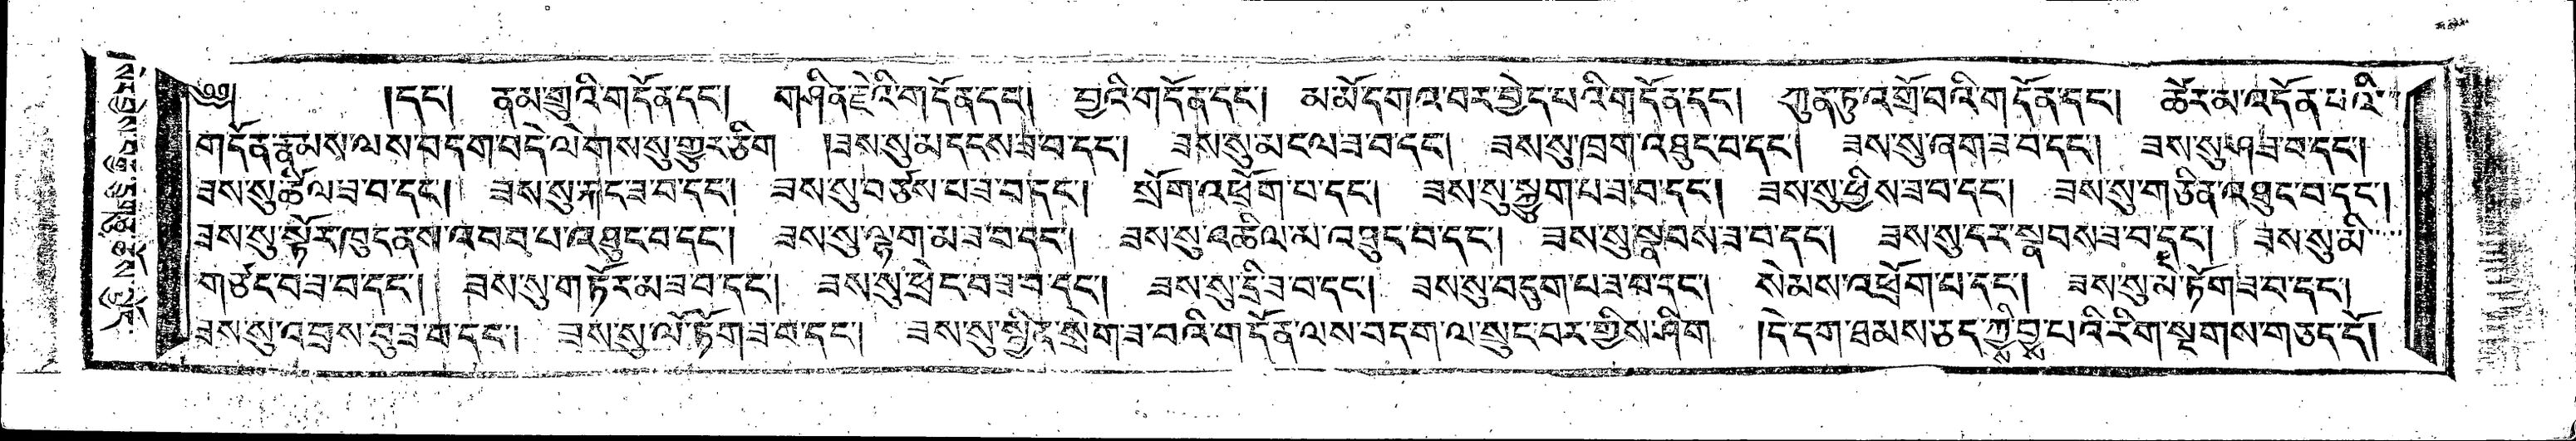༄༅། །དང་། ནམ་གྲུའི་གདོན་དང་། གཤིན་རྗེའི་གདོན་དང་། བྱའི་གདོན་དང་། མ་མོ་དགའ་བར་བྱེད་པའི་གདོན་དང་། ཀུན་ཏུ་འགྲོ་བའི་གདོན་དང་། ཚེར་མ་འདོན་པའི་
གདོན་རྣམས་ལས་བདག་བདེ་ལེགས་སུ་གྱུར་ཅིག །ཟས་སུ་མདངས་ཟ་བ་དང་། ཟས་སུ་མངལ་ཟ་བ་དང་། ཟས་སུ་ཁྲག་འཐུང་བ་དང་། ཟས་སུ་ཞག་ཟ་བ་དང་། ཟས་སུ་ཤ་ཟ་བ་དང་།
ཟས་སུ་ཚིལ་ཟ་བ་དང་། ཟས་སུ་རྐང་ཟ་བ་དང་། ཟས་སུ་བཙས་པ་ཟ་བ་དང་། སྲོག་འཕྲོག་པ་དང་། ཟས་སུ་སྐྱུག་པ་ཟ་བ་དང་། ཟས་སུ་ཕྱིས་ཟ་བ་དང་། ཟས་སུ་གཅིན་འཐུང་བ་དང་།
ཟས་སུ་སྟོར་ཁུང་ནས་འབབ་པ་འཐུང་བ་དང་། ཟས་སུ་ལྷག་མ་ཟ་བ་དང་། ཟས་སུ་འཆིལ་མ་འཐུང་བ་དང་། ཟས་སུ་སྣབས་ཟ་བ་དང་། ཟས་སུ་ངར་སྣབས་ཟ་བ་དང་། ཟས་སུ་མི་
གཙང་བ་ཟ་བ་དང་། ཟས་སུ་གཏོར་མ་ཟ་བ་དང་། ཟས་སུ་ཕྲེང་བ་ཟ་བ་དང་། ཟས་སུ་དྲི་ཟ་བ་དང་། ཟས་སུ་བདུག་པ་ཟ་བ་དང་། སེམས་འཕྲོག་པ་དང་། ཟས་སུ་མེ་ཏོག་ཟ་བ་དང་།
ཟས་སུ་འབྲས་བུ་ཟ་བ་དང་། ཟས་སུ་ལོ་ཏོག་ཟ་བ་དང་། ཟས་སུ་སྦྱིན་སྲེག་ཟ་བའི་གདོན་ལས་བདག་ལ་སྲུང་བར་གྱིས་ཤིག །དེ་དག་ཐམས་ཅད་ཀྱིས་བྱས་པའི་རིག་སྔགས་གཅད་དོ།